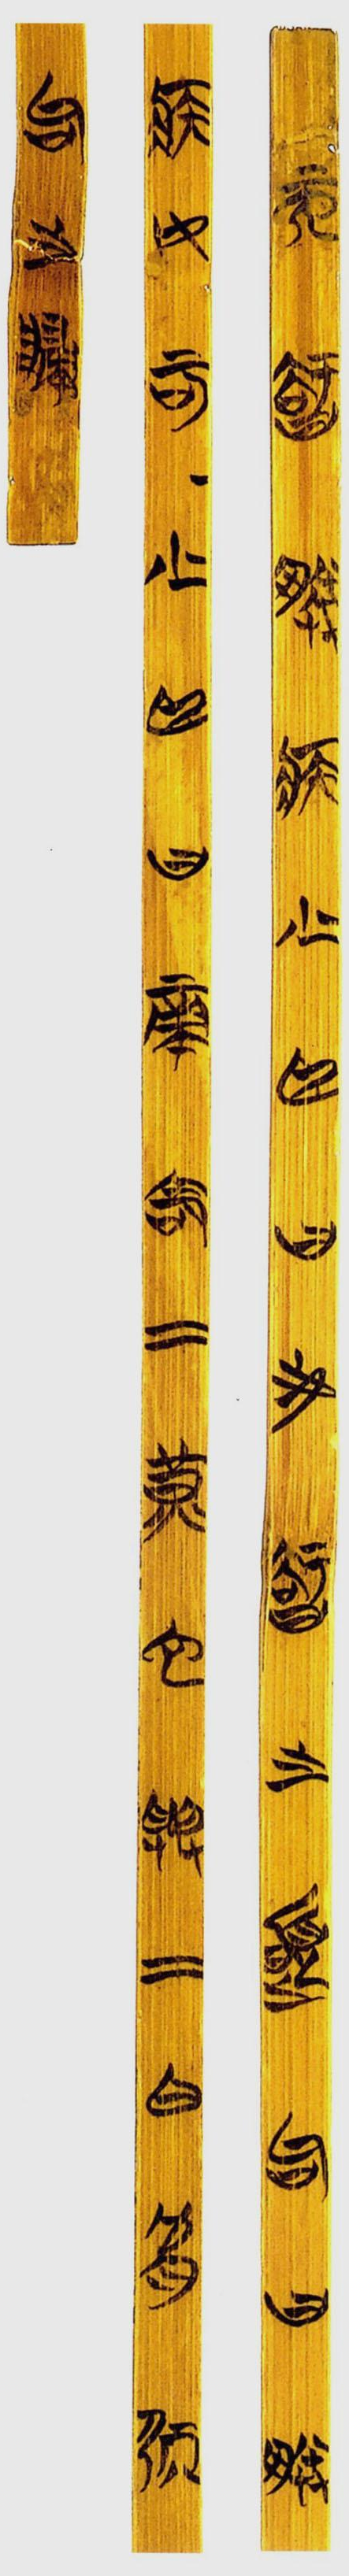而智朕疾少臣曰我智之{日止頁}（夏）句曰朕疾女可少臣曰帝命二黃它與二白兔凥句之{爿帚}（寢）
